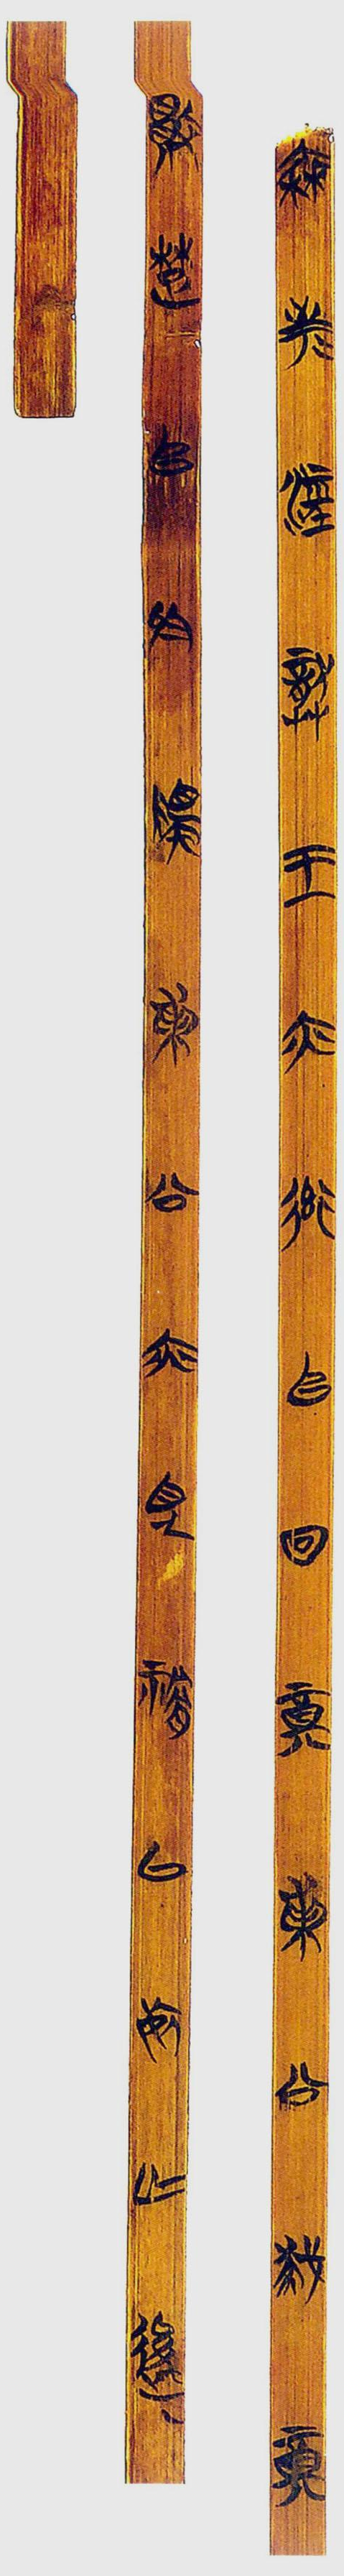秦{至于}=涇{𦚏兄廾}王亦率𠂤回奠{木𦥑}公{求戈}（救）奠敗楚𠂤於{阜目S目內}{木𦥑}公亦見禍㠯（以）死亡復
